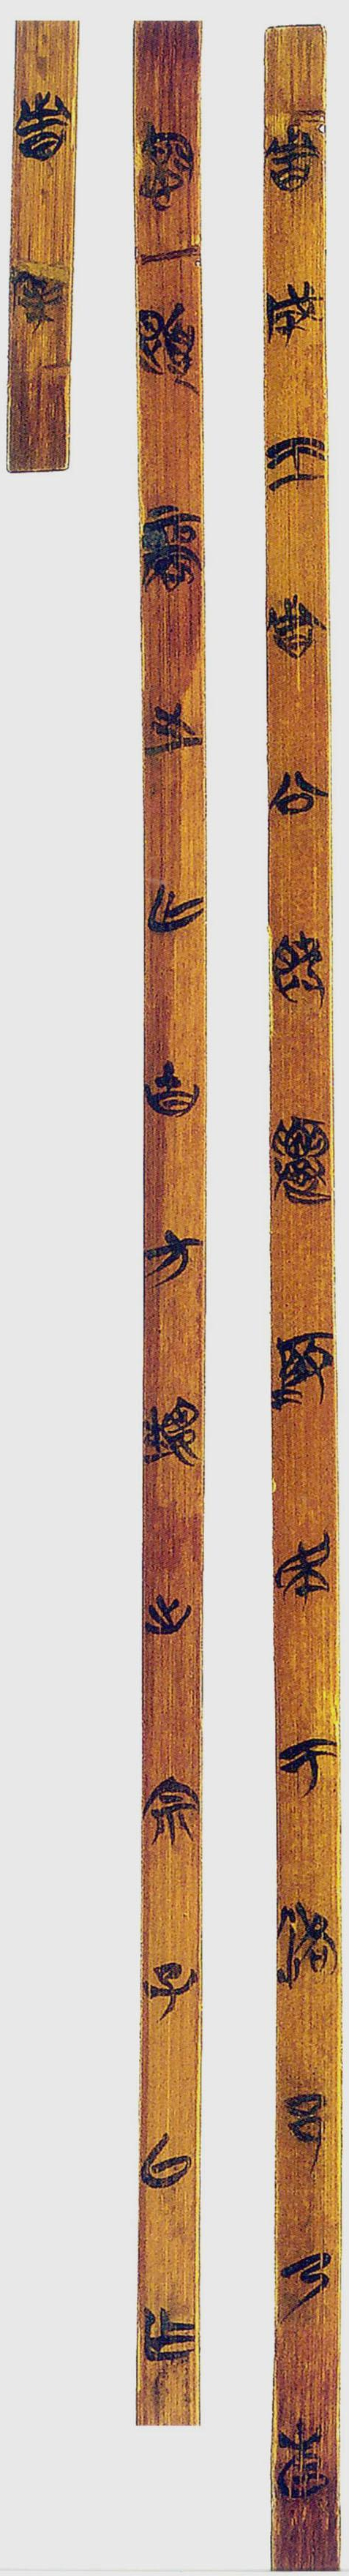周成王周公既{䙴止}殷民于洛邑乃{山𡴎}念{日止頁}商之亡由方埶出宗子㠯（以）乍周厚
